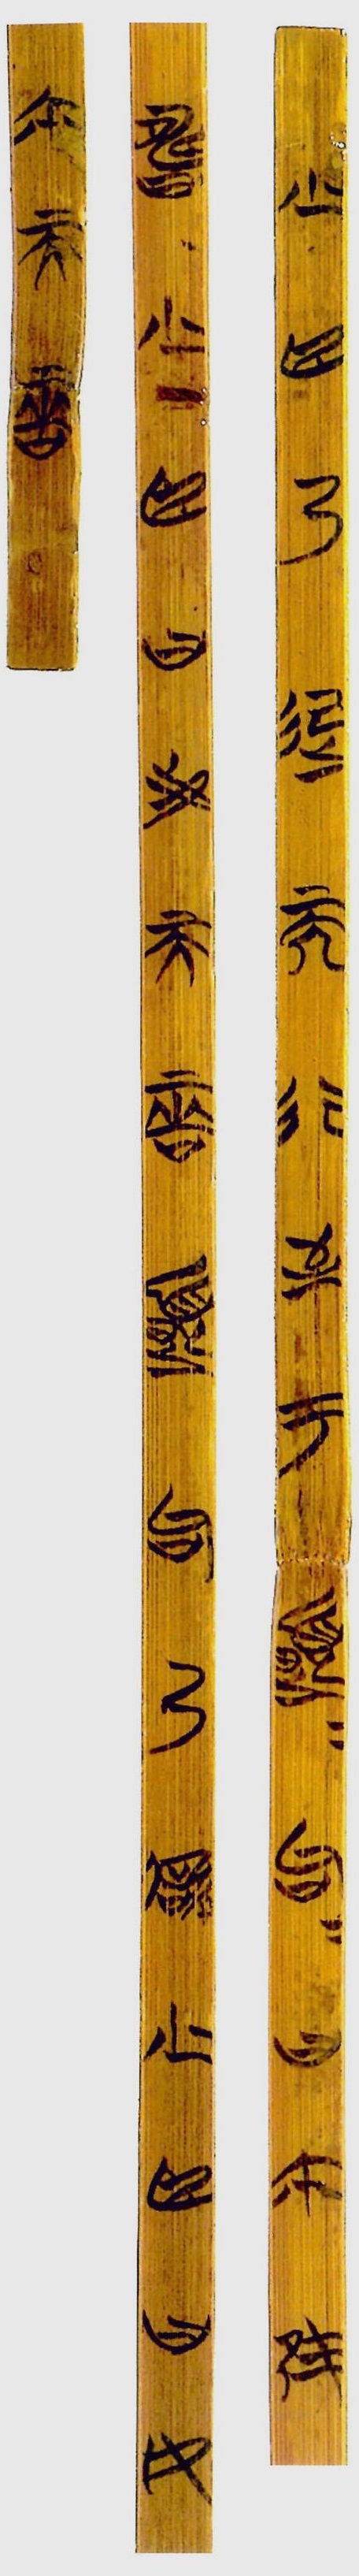少臣乃起（起）而行至于{日止頁}（夏）句=曰尔隹𠷎少臣曰我天{巫口}夏句乃{人言糸}少臣曰女尔天{巫口}
